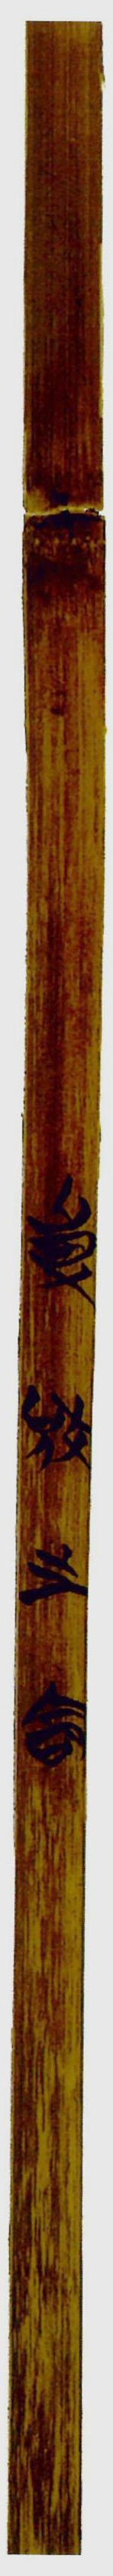七尃敓（說）之命
